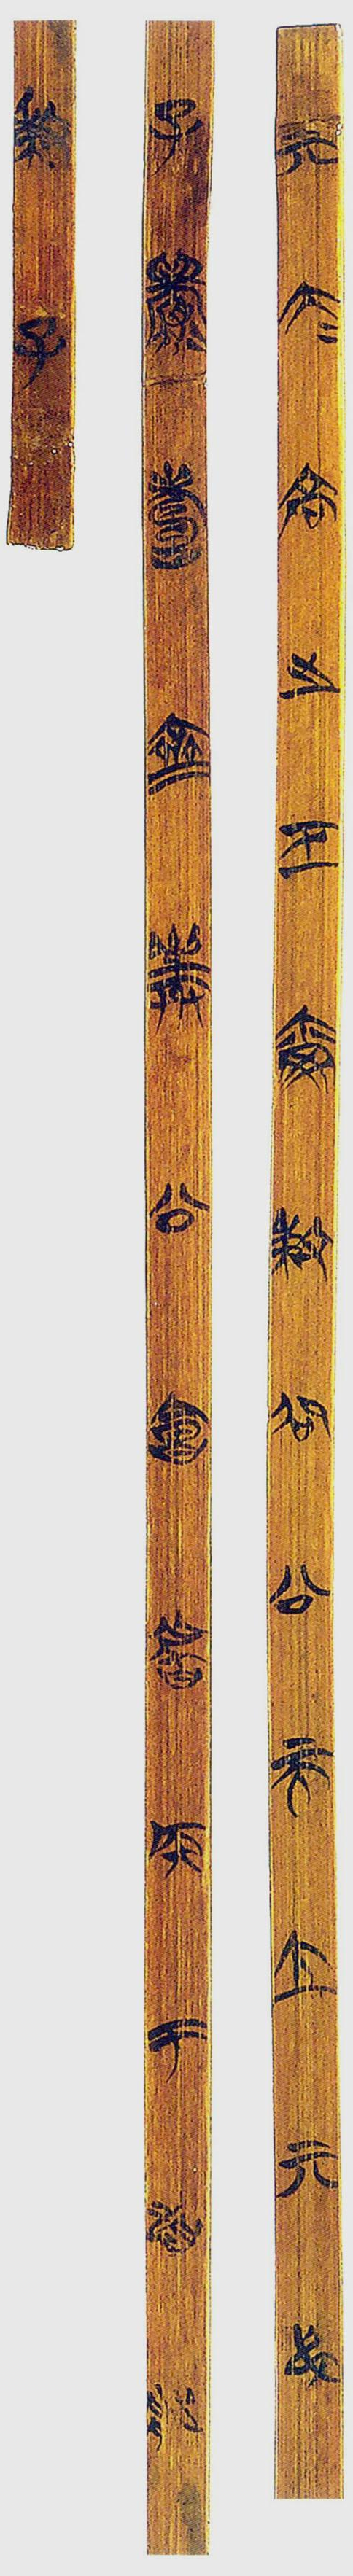亓夫=高之巨爾殺卲公而立亓弟子{興頁分}壽齊襄公會者侯于首{爿止}殺子
